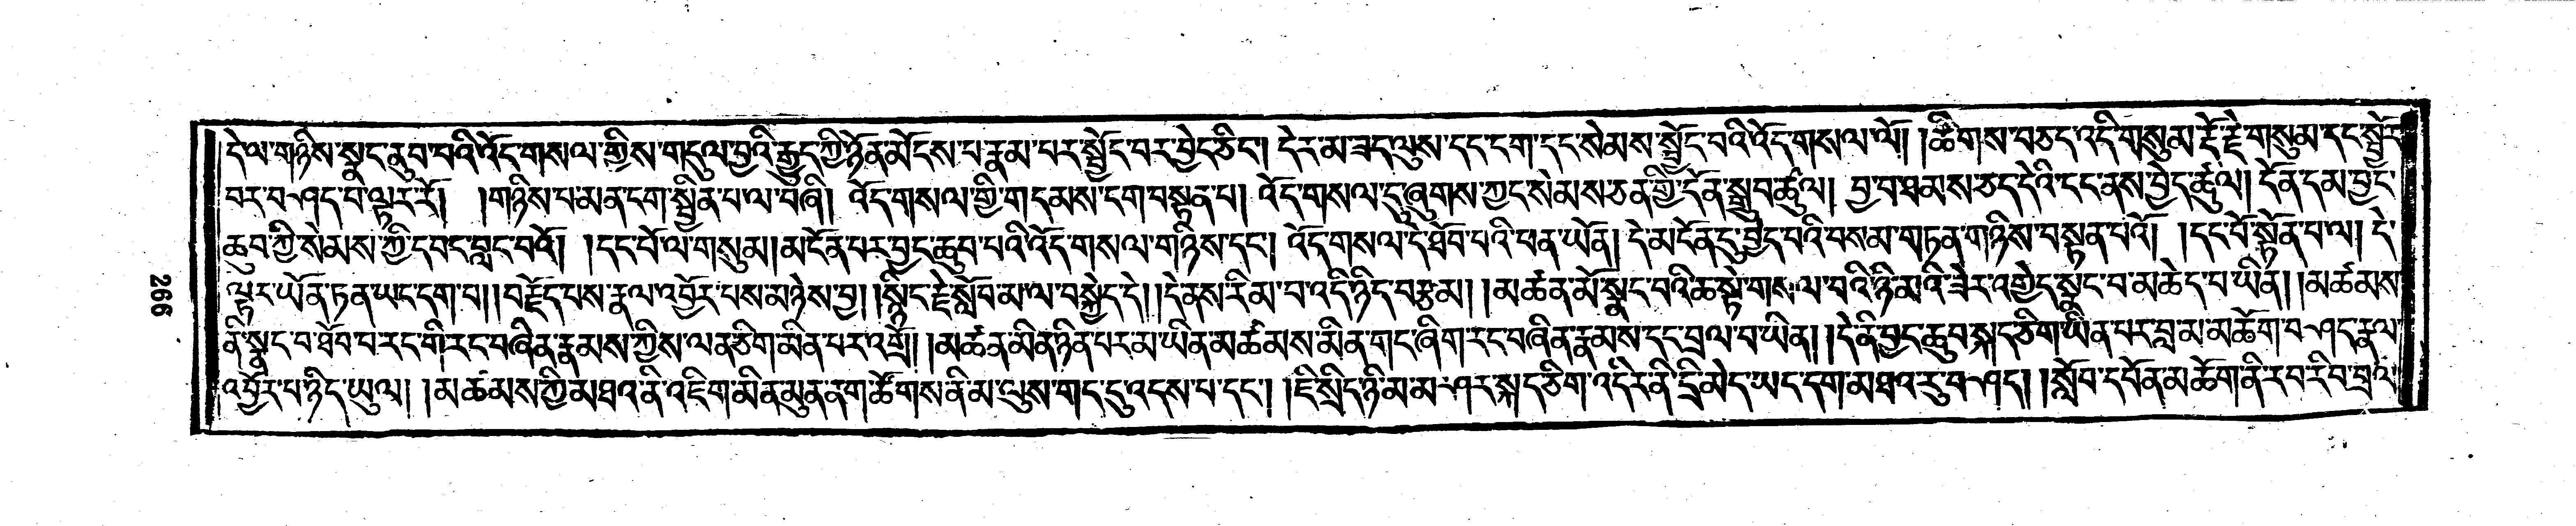དེ་ལ་གཉིས་སྣང་ནུབ་པའི་འོད་གསལ་གྱིས་གདུལ་བྱའི་རྒྱུད་ཀྱི་ཉོན་མོངས་པ་རྣམ་པར་སྤྱོང་པར་བྱེད་ཅིང་། དེར་མ་ཟད་ལུས་དང་ངག་དང་སེམས་སྦྱོང་བའི་འོད་གསལ་ལོ། །ཚིགས་བཅད་འདི་གསུམ་རྡོ་རྗེ་གསུམ་དང་སྦྱོར་
བར་བཤད་པ་ལྟར་རོ། །གཉིས་པ་མན་ངག་སྦྱིན་པ་ལ་བཞི། འོད་གསལ་གྱི་གདམས་ངག་བསྟན་པ། འོད་གསལ་དུ་ཞུགས་ཀྱང་སེམས་ཅན་གྱི་དོན་སྒྲུབ་ཚུལ། བྱ་བ་ཐམས་ཅད་དེའི་ངང་ནས་བྱེད་ཚུལ། དོན་དམ་བྱང་
ཆུབ་ཀྱི་སེམས་ཀྱི་དབང་བླང་བའོ། །དང་པོ་ལ་གསུམ། མངོན་པར་བྱང་ཆུབ་པའི་འོད་གསལ་གཉིས་དང་། འོད་གསལ་དེ་ཐོབ་པའི་ཕན་ཡོན། དེ་མངོན་དུ་བྱེད་པའི་བསམ་གཏན་གཉིས་བསྟན་པའོ། །དང་པོ་སྟོན་པ་ལ། དེ་
ལྟར་ཡོན་ཏན་ཡང་དག་པ། །བརྗོད་པས་རྣལ་འབྱོར་པས་མཉེས་བྱ། །སྙིང་རྗེ་སློབ་མ་ལ་བསྐྱེད་དེ། །དེ་ནས་རིམ་པ་འདི་ཉིད་བརྩམ། །མཚན་མོ་སྣང་བའི་ཆ་སྟེ་གསལ་བའི་ཉི་མའི་ཟེར་འགྱེད་སྣང་བ་མཆེད་པ་ཡིན། །མཚམས་
ནི་སྣང་བ་ཐོབ་པ་རང་གི་རང་བཞིན་རྣམས་ཀྱིས་ལན་ཅིག་མིན་པར་འགྲོ། །མཚན་མིན་ཉིན་བར་མ་ཡིན་མཚམས་མིན་གང་ཞིག་རང་བཞིན་རྣམས་དང་བྲལ་བ་ཡིན། །དེ་ནི་བྱང་ཆུབ་སྐད་ཅིག་ཡིན་པར་བླ་མ་མཆོག་བཤད་རྣལ་
འབྱོར་པ་ཉིད་ཡུལ། །མཚམས་ཀྱི་མཐའ་ནི་འཇིག་མིན་མུན་ནག་ཚོགས་ནི་མ་ལུས་གང་དུ་འདས་པ་དང་། །ཇི་སྲིད་ཉི་མ་མ་ཤར་སྐད་ཅིག་འདིར་ནི་དྲི་མེད་ཡང་དག་མཐའ་རུ་བཤད། །སློབ་དཔོན་མཆོག་ནི་རབ་རིབ་བྲལ་